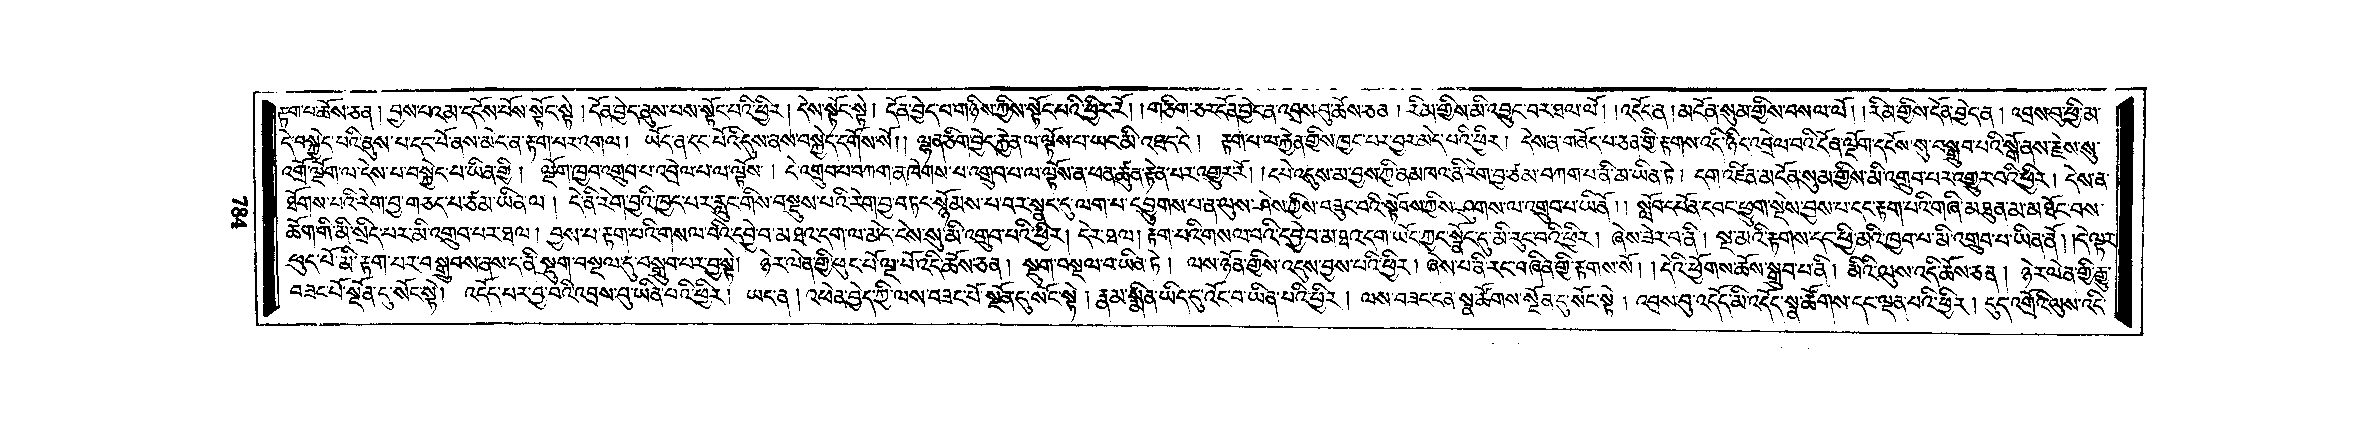རྟག་པ་ཆོས་ཅན། བྱས་པའམ་དངོས་པོས་སྟོང་སྟེ། དོན་བྱེད་ནུས་པས་སྟོང་པའི་ཕྱིར། དེས་སྟོང་སྟེ། དོན་བྱེད་པ་གཉིས་ཀྱིས་སྟོང་པའི་ཕྱིར་རོ། །གཅིག་ཅར་དོན་བྱེད་ན་འབྲས་བུ་ཆོས་ཅན། རིམ་གྱིས་མི་འབྱུང་བར་ཐལ་ལོ། །འདོད་ན། མངོན་སུམ་གྱིས་བསལ་ལོ། །རིམ་གྱིས་དོན་བྱེད་ན། འབྲས་བུ་ཕྱི་མ་
དེ་བསྐྱེད་པའི་ནུས་པ་དང་པོ་ནས་མེད་ན་རྟག་པར་འགལ། ཡོད་ན་དང་པོའི་དུས་ནས་བསྐྱེད་དགོས་སོ། །ལྷན་ཅིག་བྱེད་རྐྱེན་ལ་ལྟོས་པ་ཡང་མི་འཐད་དེ། རྟག་པ་ལ་རྐྱེན་གྱིས་ཁྱད་པར་བྱར་མེད་པའི་ཕྱིར། དེས་ན་གནོད་པ་ཅན་གྱི་རྟགས་འདི་ཉིད་འབྲེལ་བའི་དོན་ལྡོག་དངོས་སུ་བསྒྲུབ་པའི་སྒོ་ནས་རྗེས་སུ་
འགྲོ་ལྡོག་ལ་དེས་པ་བསྐྱེད་པ་ཡིན་གྱི། ལྡོག་ཁྱབ་འགྲུབ་པ་འབྲེལ་པ་ལ་ལྟོས། དེ་འགྲུབ་པ་བཀག་ན་ཁེགས་པ་འགྲུབ་པ་ལ་ལྟོས་ན་ཕན་ཚུན་རྟེན་པར་འགྱུར་རོ། །དཔེ་འདུས་མ་བྱས་ཀྱི་ནམ་མཁའ་ནི་རེག་བྱ་ཙམ་བཀག་པ་ནི་མ་ཡིན་ཏེ། དག་འཛིན་མངོན་སུམ་གྱིས་མི་འགྲུབ་པར་འགྱུར་བའི་ཕྱིར། དེས་ན་
ཐོགས་པའི་རེག་བྱ་གཅད་པ་ཙམ་ཡིན་ལ། དེ་ནི་རེག་བྱའི་ཁྱད་པར་རླུང་གིས་བསྡུས་པའི་རེག་བྱ་བཏང་སྙོམས་པ་བར་སྣང་དུ་ལག་པ་དབྱུགས་པ་ན་ལུས་ཤེས་ཀྱིས་བཟུང་བའི་སྟོབས་ཀྱིས་ཤུགས་ལ་འགྲུབ་པ་ཡིན་ནོ། །སློབ་དཔོན་དབང་ཕྱུག་སྡེས་བྱས་པ་དང་རྟག་པའི་གཞི་མཐུན་མ་མཐོང་བས་
ཆོག་གི་མི་སྲིད་པར་མི་འགྲུབ་པར་ཐལ། བྱས་པ་རྟག་པའི་གསལ་བའི་དབྱེ་བ་མཐའ་དག་ལ་མེད་ངེས་སུ་མི་འགྲུབ་པའི་ཕྱིར། དེར་ཐལ། རྟག་པའི་གསལ་བའི་དབྱེ་བ་མཐའ་དག་ཡོད་ཀྱང་སྣོད་དུ་མི་རུང་བའི་ཕྱིར། ཞེས་ཟེར་བ་ནི། སྔ་མའི་རྟགས་དང་ཕྱི་མའི་ཁྱབ་པ་མི་འགྲུབ་པ་ཡིན་ནོ། །དེ་ལྟར་
ཕུང་པོ་མི་རྟག་པར་བསྒྲུབས་ནས་ད་ནི་སྡུག་བསྔལ་དུ་བསྒྲུབ་པར་བྱ་སྟེ། ཉེར་ལེན་གྱི་ཕུང་པོ་ལྔ་པོ་འདི་ཆོས་ཅན། སྡུག་བསྔལ་བ་ཡིན་ཏེ། ལས་ཉོན་གྱིས་འདུས་བྱས་པའི་ཕྱིར། ཞེས་པ་ནི་རང་བཞིན་གྱི་རྟགས་སོ། །དེའི་ཕྱོགས་ཆོས་སྒྲུབ་པ་ནི། མིའི་ལུས་འདི་ཆོས་ཅན། ཉེར་ལེན་གྱི་རྒྱུ་
བཟང་པོ་སྔོན་དུ་སོང་སྟེ། འདོད་པར་བྱ་བའི་འབྲས་བུ་ཡིན་པའི་ཕྱིར། ཡང་ན། འཕེན་བྱེད་ཀྱི་ལས་བཟང་པོ་སྔོན་དུ་སོང་སྟེ། རྣམ་སྨིན་ཡིད་དུ་འོང་བ་ཡིན་པའི་ཕྱིར། ལས་བཟང་ངན་སྣ་ཚོགས་སྔོན་དུ་སོང་སྟེ། འབྲས་བུ་འདོད་མི་འདོད་སྣ་ཚོགས་དང་ལྡན་པའི་ཕྱིར། དུད་འགྲོའི་ལུས་འདི་